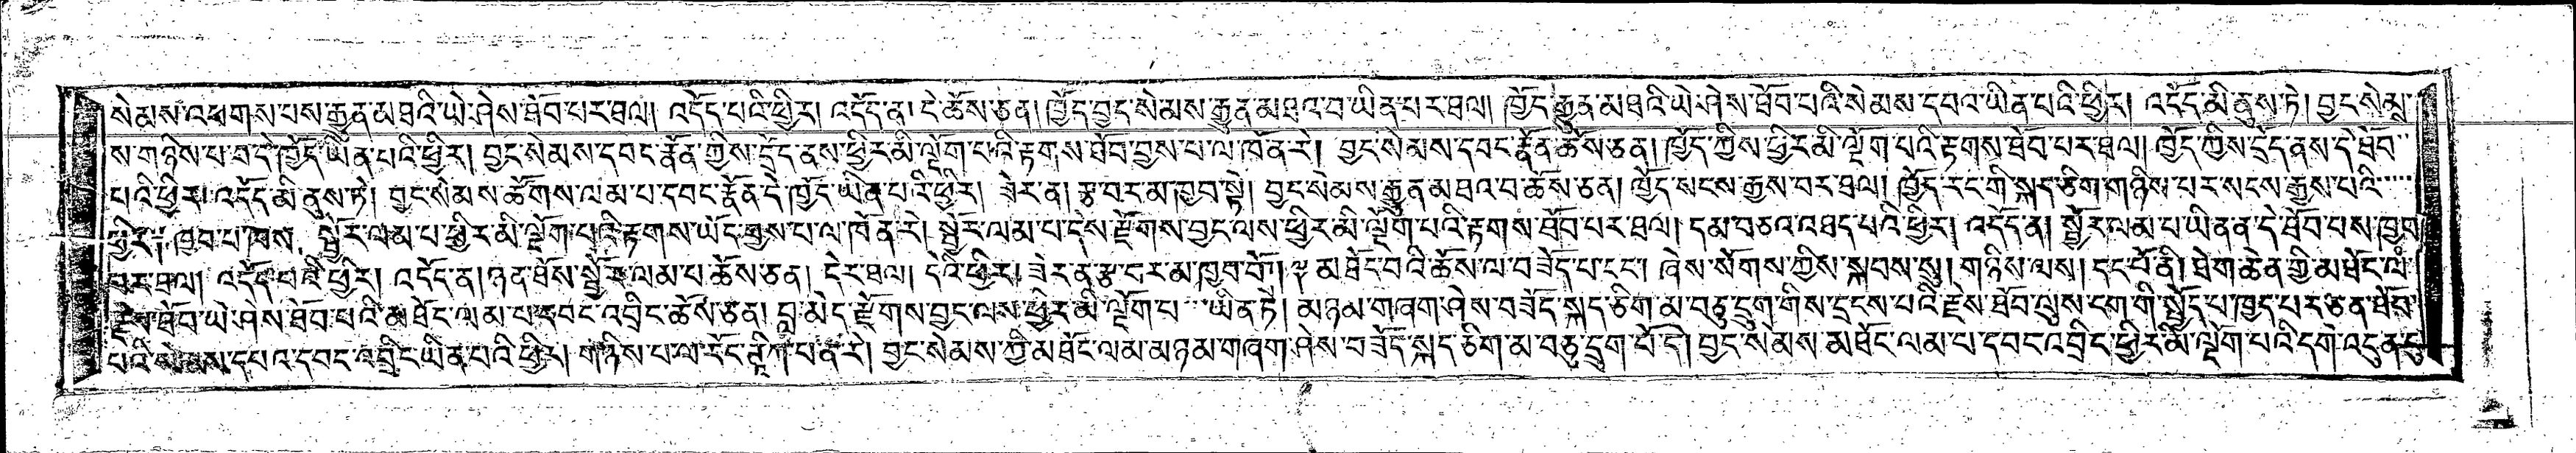སེམས་འཕགས་པས་རྒྱུན་མཐའི་ཡེ་ཤེས་ཐོབ་པར་ཐལ། འདོད་པའི་ཕྱིར། འདོད་ན། དེ་ཆོས་ཅན། ཁྱོད་བྱང་སེམས་རྒྱུན་མཐའ་བ་ཡིན་པར་ཐལ། ཁྱོད་རྒྱུན་མཐའི་ཡེ་ཤེས་ཐོབ་པའི་སེམས་དཔའ་ཡིན་པའི་ཕྱིར། འདོད་མི་ནུས་ཏེ། བྱང་སེམས་
ས་གཉིས་པ་བ་དེ་ཁྱོད་ཡིན་པའི་ཕྱིར། བྱང་སེམས་དབང་རྣོན་གྱིས་དྲོད་ནས་ཕྱིར་མི་ལྡོག་པའི་རྟགས་ཐོབ་བྱས་པ་ལ་ཁོ་ན་རེ། བྱང་སེམས་དབང་རྣོན་ཆོས་ཅན། ཁྱོད་ཀྱིས་ཕྱིར་མི་ལྡོག་པའི་རྟགས་ཐོབ་པར་ཐལ། ཁྱོད་ཀྱིས་དྲོད་ནས་དེ་ཐོབ་
པའི་ཕྱིར། འདོད་མི་ནུས་ཏེ། བྱང་སེམས་ཚོགས་ལམ་པ་དབང་རྣོན་དེ་ཁྱོད་ཡིན་པའི་ཕྱིར། ཟེར་ན། རྩ་བར་མ་ཁྱབ་སྟེ། བྱང་སེམས་རྒྱུན་མཐའ་བ་ཆོས་ཅན། ཁྱོད་སངས་རྒྱས་བར་ཐལ། ཁྱོད་རང་གི་སྐད་ཅིག་གཉིས་པར་སངས་རྒྱས་པའི་
ཕྱིར༑ ཁྱབ་པ་ཁས། སྦྱོར་ལམ་པ་ཕྱིར་མི་ལྡོག་པའི་རྟགས་ཡོད་བྱས་པ་ལ་ཁོ་ན་རེ། སྦྱོར་ལམ་པ་དེས་རྫོགས་བྱང་ལས་ཕྱིར་མི་ལྡོག་པའི་རྟགས་ཐོབ་པར་ཐལ། དམ་བཅའ་འཐད་པའི་ཕྱིར། འདོད་ན། སྦྱོར་ལམ་པ་ཡིན་ན་དེ་ཐོབ་པས་ཁྱབ་
པར་ཐལ། འདོད་པའི་ཕྱིར། འདོད་ན། ཉན་ཐོས་སྦྱོར་ལམ་པ་ཆོས་ཅན། དེར་ཐལ། དེའི་ཕྱིར། ཟེར་ན་རྩ་བར་མ་ཁྱབ་བོ། ༈མཐོང་བའི་ཆོས་ལ་བཟོད་པ་དང་། ཞེས་སོགས་ཀྱིས་སྐབས་སུ། གཉིས་ལས། དང་པོ་ནི། ཐེག་ཆེན་གྱི་མཐོང་ལམ་
རྗེས་ཐོབ་ཡེ་ཤེས་ཐོབ་པའི་མཐོང་ལམ་པ་དབང་འབྲིང་ཆོས་ཅན། བླ་མེད་རྫོགས་བྱང་ལས་ཕྱིར་མི་ལྡོག་པ་ཡིན་ཏེ། མཉམ་གཞག་ཤེས་བཟོད་སྐད་ཅིག་མ་བཅུ་དྲུག་གིས་དྲངས་པའི་རྗེས་ཐོབ་ལུས་ངག་གི་སྤྱོད་པ་ཁྱད་པར་ཅན་ཐོབ་
པའི་སེམས་དཔའ་དབང་འབྲིང་ཡིན་པའི་ཕྱིར། གཉིས་པ་ལ་རོང་ཊཱིཀ་པ་ན་རེ། བྱང་སེམས་ཀྱི་མཐོང་ལམ་མཉམ་གཞག་ཤེས་བཟོད་སྐད་ཅིག་མ་བཅུ་དྲུག་པོ་དེ། བྱང་སེམས་མཐོང་ལམ་པ་དབང་འབྲིང་ཕྱིར་མི་ལྡོག་པའི་དགེ་འདུན་དུ་